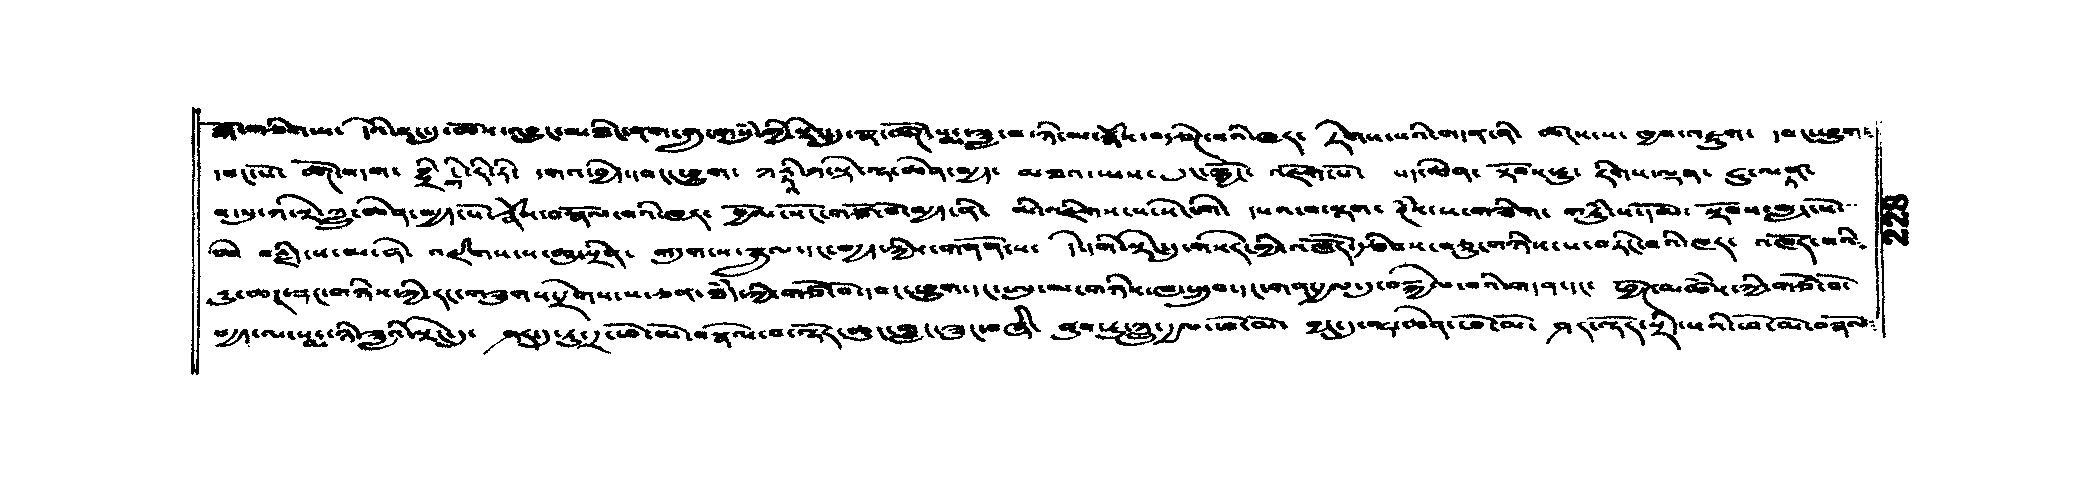སྒོ་གཅིག་པ། དེའི་ནང་དུ་ཆོས་འབྱུང་མཐིང་ནག་གྲུ་གསུམ་གྱི་སྟེང་དུ་སྣ་ཚོགས་པདྨ་ཟླ་བ་ཉི་མ་རྣམས་བརྩེགས་པའི་ཁར། དྲེགས་པའི་གདན་ནི། ཁྱབ་འཇུག་དབང་ཕྱུག་
དབང་པོ། ཚོགས་བདག་བྷྲིངྒི་རི་རི། དགའ་བྱེད་དབང་ཕྱུག་ཀརྟཱི་ཀ་སྟེ་ལྷ་ཆེན་བརྒྱད། མཐའ་ཡས། དུང་ཁྱོང་། འཇོག་པོ། པད་ཆེན། སྟོབས་རྒྱུ། རིགས་ལྡན། ཧུ་ལནྟ། 
བ་སུ་ཀ་སྟེ་ཀླུ་ཆེན་བརྒྱད་པོ་རྣམས་བསྣོལ་བའི་ཁར། བྱོལ་སོང་གཙོ་བོ་བརྒྱད་ནི། མི་འཇིགས་སེང་གེ་དཔལ་བ་སྟག་རྔམས་པ་གཟིག་གཏུམ་པ་དོམ། སྟོབས་གླང་པོ་
ཆེ། བརྗིད་པ་མ་ཧེ། འཇིགས་པ་ཆུ་སྲིན། གདུག་པ་སྦྲུལ་དང་བརྒྱད་ཀྱིས་གནོན་པ། དེ་དག་གི་སྟེང་དུ་གསེར་གྱི་འཁོར་ལོ་རྩིབས་བཅུ་གཉིས་པ་བཏིང་བའི་ཁར། འཁོར་བའི་
རྒྱུ་ཆགས་སྡང་གཉིས་ཀྱི་རང་གཟུགས་དྲེགས་པ་ཐམས་ཅད་ཀྱི་གཙོ་བོ་དབང་ཕྱུག་དང་ཨུ་མ་གཉིས་ཁ་སྤུབ་དག་གན་རྒྱལ་དུ་བསྒྱེལ་བའི་གདན་དང་། ཕྱོགས་མཚམས་ཀྱི་གཙོ་བོ་
བརྒྱད་ལ་པདྨ་ཉི་ཟླའི་སྟེང་དུ། ཤར་དུ་རུ་དྲ་ཕོ་མོ་བསྣོལ་བ་ལྷོར་ཆུང་གླང་ཟུང་བཞི། ནུབ་ཏུ་ཀླུ་རྒྱལ་ཕོ་མོ། བྱང་དུ་ལྷ་ཆེན་ཕོ་མོ། ཤར་ལྷོར་སྲིད་པའི་ཕོ་་མོ་བསྣོལ་